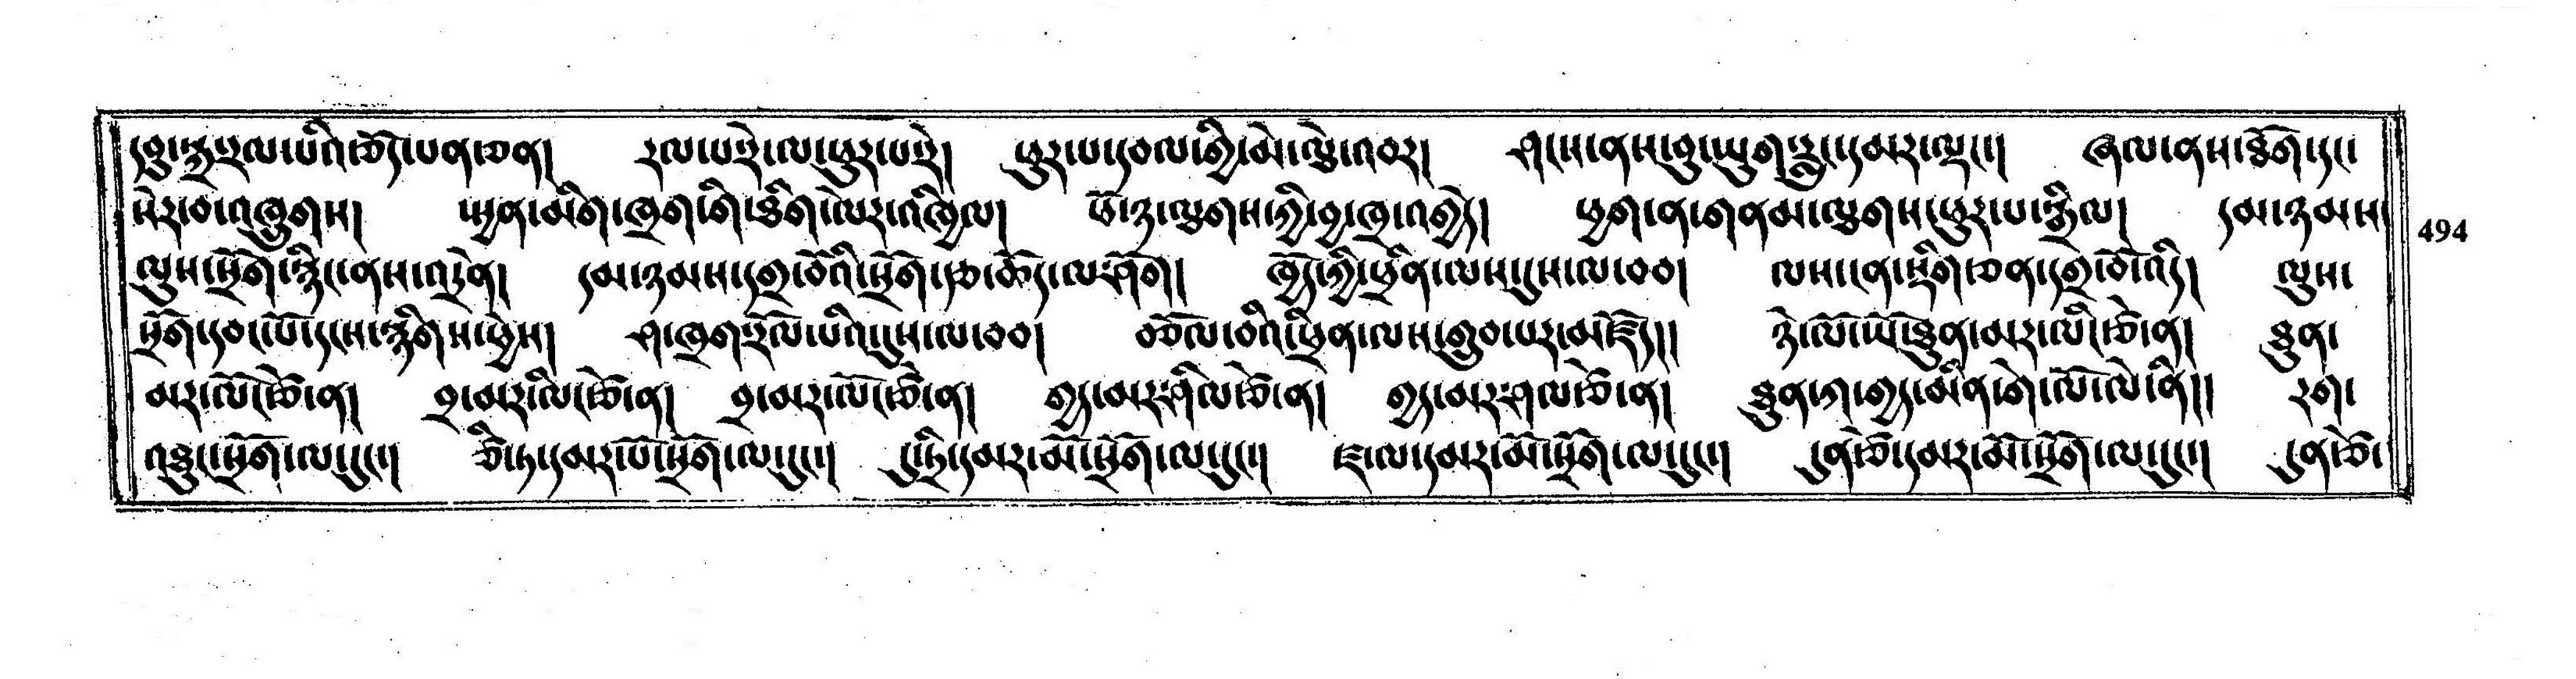དབུ་སྐྲ་རལ་པའི་ཅོད་པན་ཅན། རལ་པ་རེ་ལ་ཕུར་པ་རེ། ཕུར་པ་དབལ་གྱི་མེ་ལྕེ་འབར། ཤངས་ནས་བུ་ཡུག་རླུང་དམར་ལྡང་། ཞལ་ནས་ཐོག་དང་
སེར་བ་འཁྲུགས། སྤྱན་མིག་ཁྲག་གི་ཐིག་ལེར་འཁྱིལ། ཕོ་ཉ་ལྕགས་ཀྱི་བྱ་ཁྲ་འགྱེད། ཕྱག་ན་གནམ་ལྕགས་ཕུར་པ་སྒྲིལ། དམ་ཉམས་
ལུས་སྲོག་སྙིང་ནས་འདྲེན། དམ་ཉམས་དགྲ་བོའི་སྲོག་རྩ་ཆོད་ལ་ཤོག ཁྱོད་ཀྱི་ཕྲིན་ལས་དུས་ལ་བབ། ལས་ངན་སྡིག་ཅན་དགྲ་བོ་འདི། {508}ལུས་
སྲོག་དབང་པོ་དངས་སྙིགས་ཕྱེས། ཤ་ཁྲག་རོལ་པའི་དུས་ལ་བབ། བཅོལ་བའི་ཕྲིན་ལས་གྲུབ་པར་མཛོད།། ཉེ་ལོ་ཡོ་ཐུན་མར་ལིང་ཙེ་ན། ཐུན་
མར་ལོང་ཙེ་ན། བྲ་མར་ལིང་ཙེ་ན། བྲ་མར་ལོང་ཙེ་ན། གྱད་མར་ཤིལ་ཙེ་ན། གྱད་མར་ཤལ་ཙེ་ན། ཐུན་ཀ་གྱད་མིན་གེ་ལོ་ལེ་ནི།། རག་
འཐུང་སྲོག་ལ་དུང་། ཙི་ཏ་དམར་པོ་སྲོག་ལ་དུང་། དུ་ཏྲི་དམར་མོ་སྲོག་ལ་དུང་། ཛ་ལ་དམར་མོ་སྲོག་ལ་དུང་། དུན་ཙེ་དམར་མོ་སྲོག་ལ་དུང་། དུན་ཙེ་